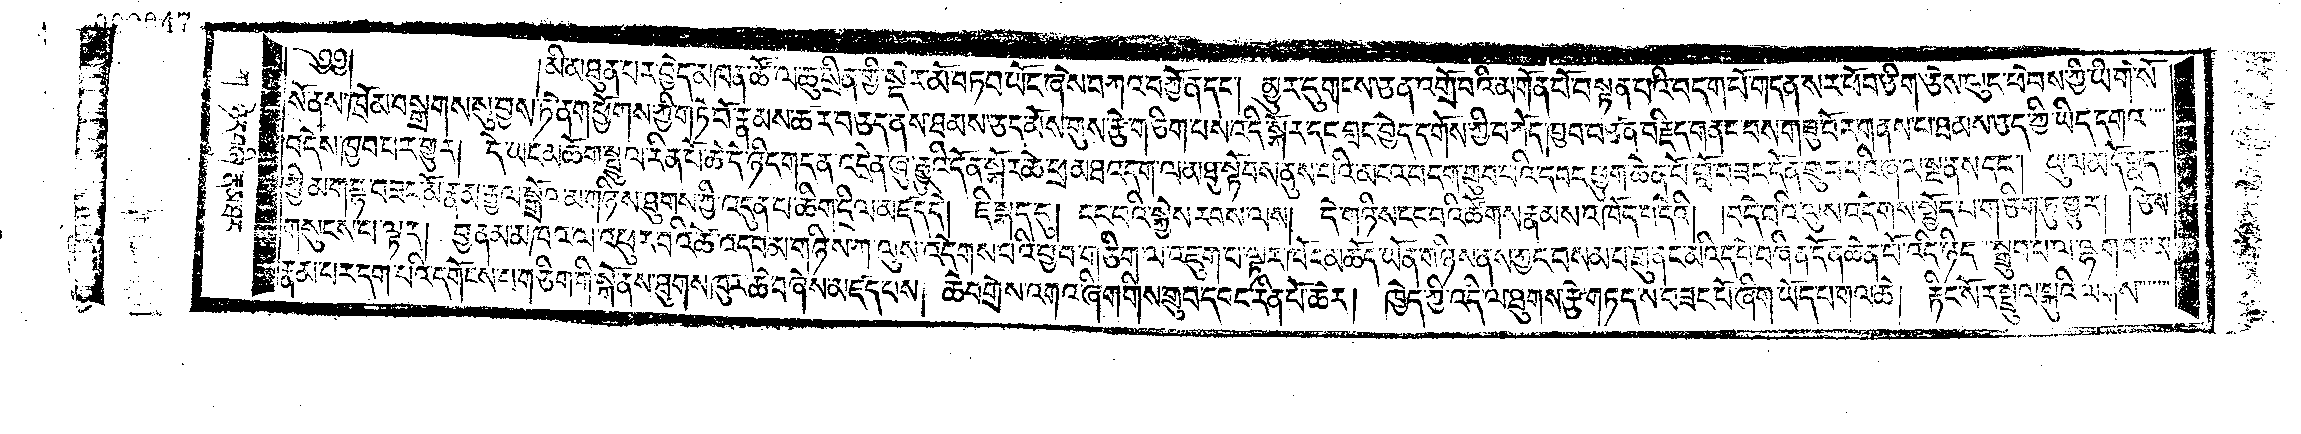༄༅། །མི་མཐུན་པར་བྱེད་མཁན་ཚོ་ལ་ཆུ་སྲིན་གྱི་སྡེར་མོ་བཏབ་ཡོང་ཞེས་བཀའ་བཀྱོན་དང་། མྱུར་དུ་གངས་ཅན་འགྲོ་བའི་མགོན་པོ་བསྟན་པའི་བདག་པོ་གདན་སར་ཕོབ་ཅིག་ཅེས་ལུང་ཕེབས་ཀྱི་ཡི་གེ་སོ་
སོ་ནས་ཁྲོམ་བསྒྲགས་སུ་བྱས་ཏེ་ནག་ཕྱོགས་ཀྱི་གཏེ་བོ་རྣམས་ཚར་བཅད་ནས་ཐམས་ཅད་མོས་གུས་རྩེ་གཅིག་པས་འདི་སྐོར་དང་བླང་བྱེད་དགོས་ཀྱི་བཀོད་ཁྱབ་བཙན་བརྗིད་གནང་བས་གཟུ་བོར་གནས་པ་ཐམས་ཅད་ཀྱི་ཡིད་དགའ་
བདེས་ཁྱབ་པར་གྱུར། དེ་ཡང་མཆོག་སྤྲུལ་རིན་པོ་ཆེ་དེ་ཉིད་གདན་འདྲེན་ཞུ་རྒྱུའི་དོན་སྐོར་ཆེ་ཕྲ་མཐའ་དག་ལ་མཐུ་སྟོབས་ནུས་པའི་མངའ་བདག་གྲུབ་པའི་དབང་ཕྱུག་ཆེན་པོ་བློ་བཟང་དོན་གྲུབ་པའི་ཞལ་སྔ་ནས་དང་། ཡུལ་མདོ་སྨད་
ཀྱི་མ་ག་དྷ་བཟང་མོ་རྣམ་རྒྱལ་སྒྲོལ་མ་གཉིས་ཐུགས་ཀྱི་འདུན་པ་ཆིག་དྲིལ་མཛད་དེ། ཇི་སྐད་དུ། དང་བའི་སྐྱེས་རབས་ལས། དེ་གཉིས་དང་བའི་ཚོགས་རྣམས་འཁོད་པ་དེའི། །བདེ་བའི་ལུས་འདེགས་སྤྱོད་པ་གཅིག་ཏུ་གྱུར། །ཅེས་
གསུངས་པ་ལྟར། བྱ་ནམ་མཁའ་ལ་འཕུར་བའི་ཚེ་འདབ་མ་གཉིས་ཀ་ལུས་འདེགས་པའི་བྱ་བ་གཅིག་ལ་འཇུག་པ་ལྟར་ཁོང་མཆོད་ཡོན་གཉིས་ནས་ཀྱང་བསམ་པ་གྲུ་ནང་མའི་དཔེ་བཞིན་དོན་ཆེན་པོ་འདི་ཉིད་སྒྲུབ་པ་ལ་ལྷག་བསམ་
རྣམ་པར་དག་པའི་དགོངས་པ་གཅིག་གི་སྒོ་ནས་ཐུགས་ཁུར་ཆེ་བཞེས་མཛད་པས། ཆེ་བགྲེས་འགའ་ཞིག་གིས་གྲུབ་དབང་རིན་པོ་ཆེར། ཁྱེད་ཀྱི་འདི་ལ་ཐུགས་རྩེ་གཏད་ས་བཟང་པོ་ཞིག་ཡོད་པ་གལ་ཆེ། རྟིང་སོར་སྤྲུལ་སྐུའི་ལགས་